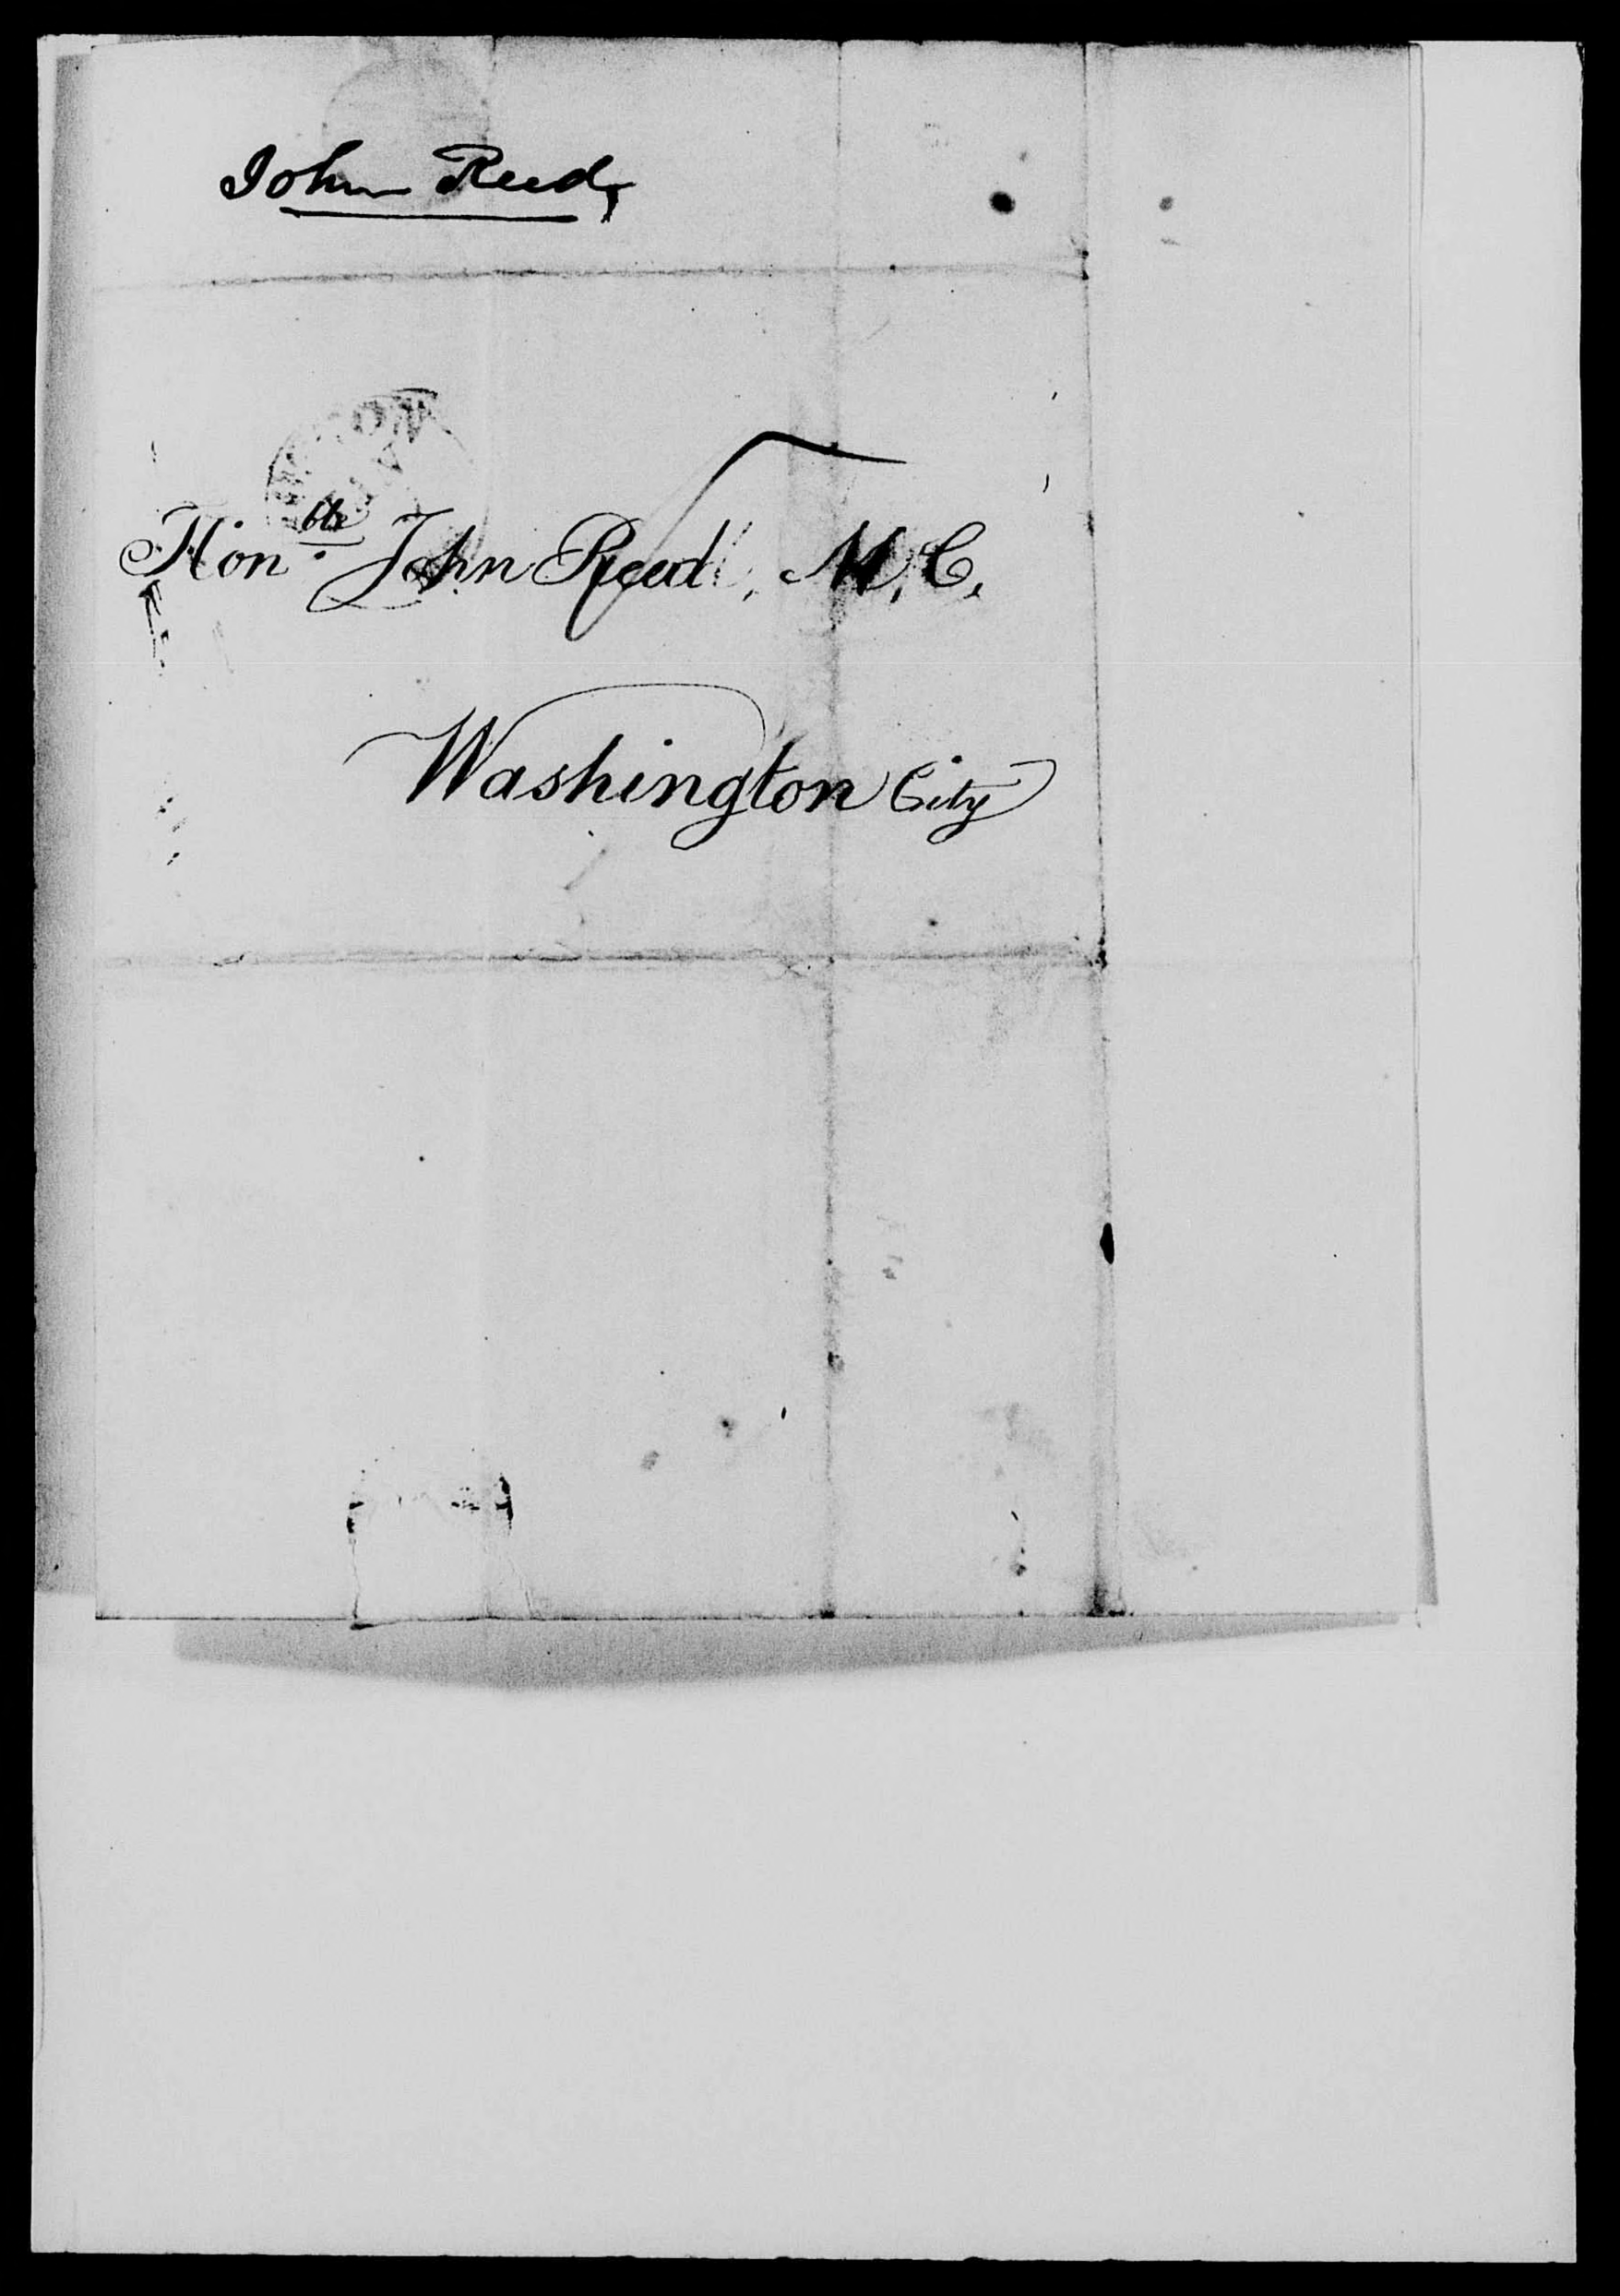John Reed 

Hon the C John Reed M. C.
Washington City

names: John Reed, John Reed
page: 16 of 43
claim: survivor's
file: S. 29,732, John Collins, Mass. Navy